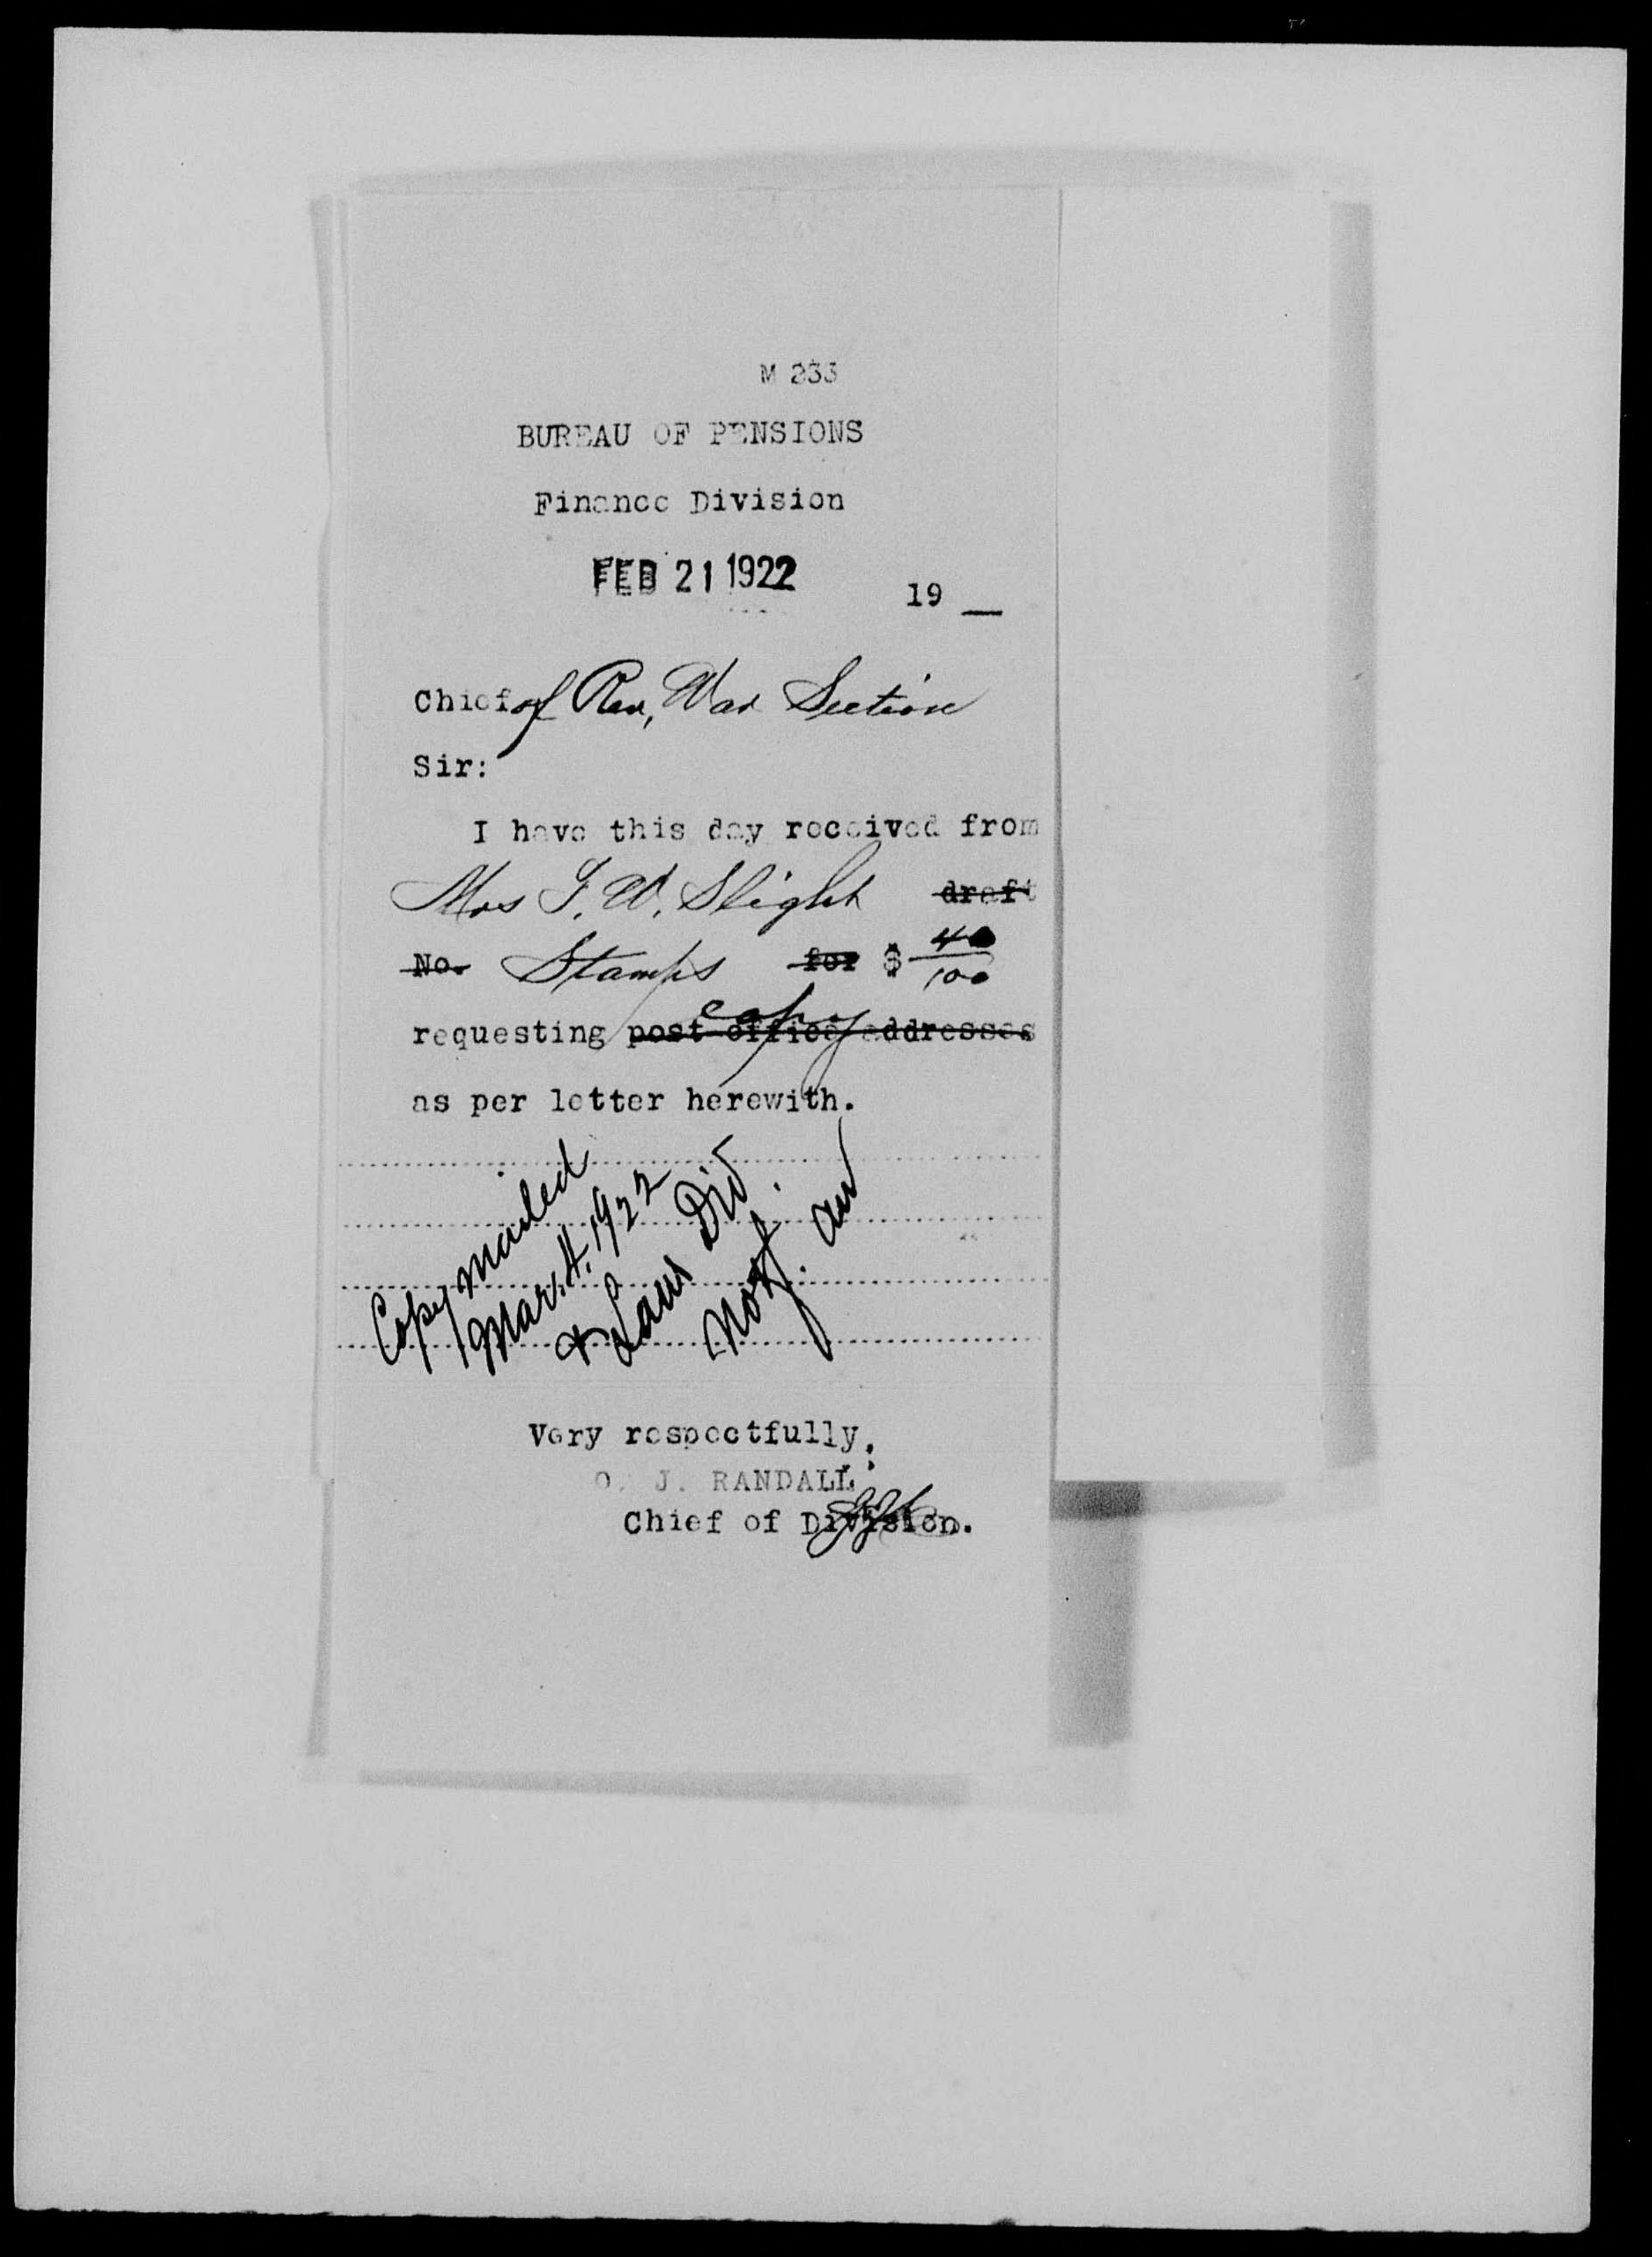M 233

BUREAU OF PENSIONS
Finance Division
FEB 21 1922   19__

Chief of Rev(olutionary). War Section

Sir: 

I have this day received from Mrs. F.W. Slight 
 (lined out -- draft No.)   Stamps (lined out -- for)  $ 40/100 requesting copy (lined out-- post office addresses) as per letter herewith. 

(written diagonally on record-- Copy mailed Mar(ch) 4, 1922 + Law Div(ision) Notification) AW 


Very respectfully,
O. J. RANDALL
Chief of Division
(illegible initials on record over the word Division)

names: O J Randall, F W Slight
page: 14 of 17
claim: rejected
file: R. 4989, Ephraim Hildreth, N.H.